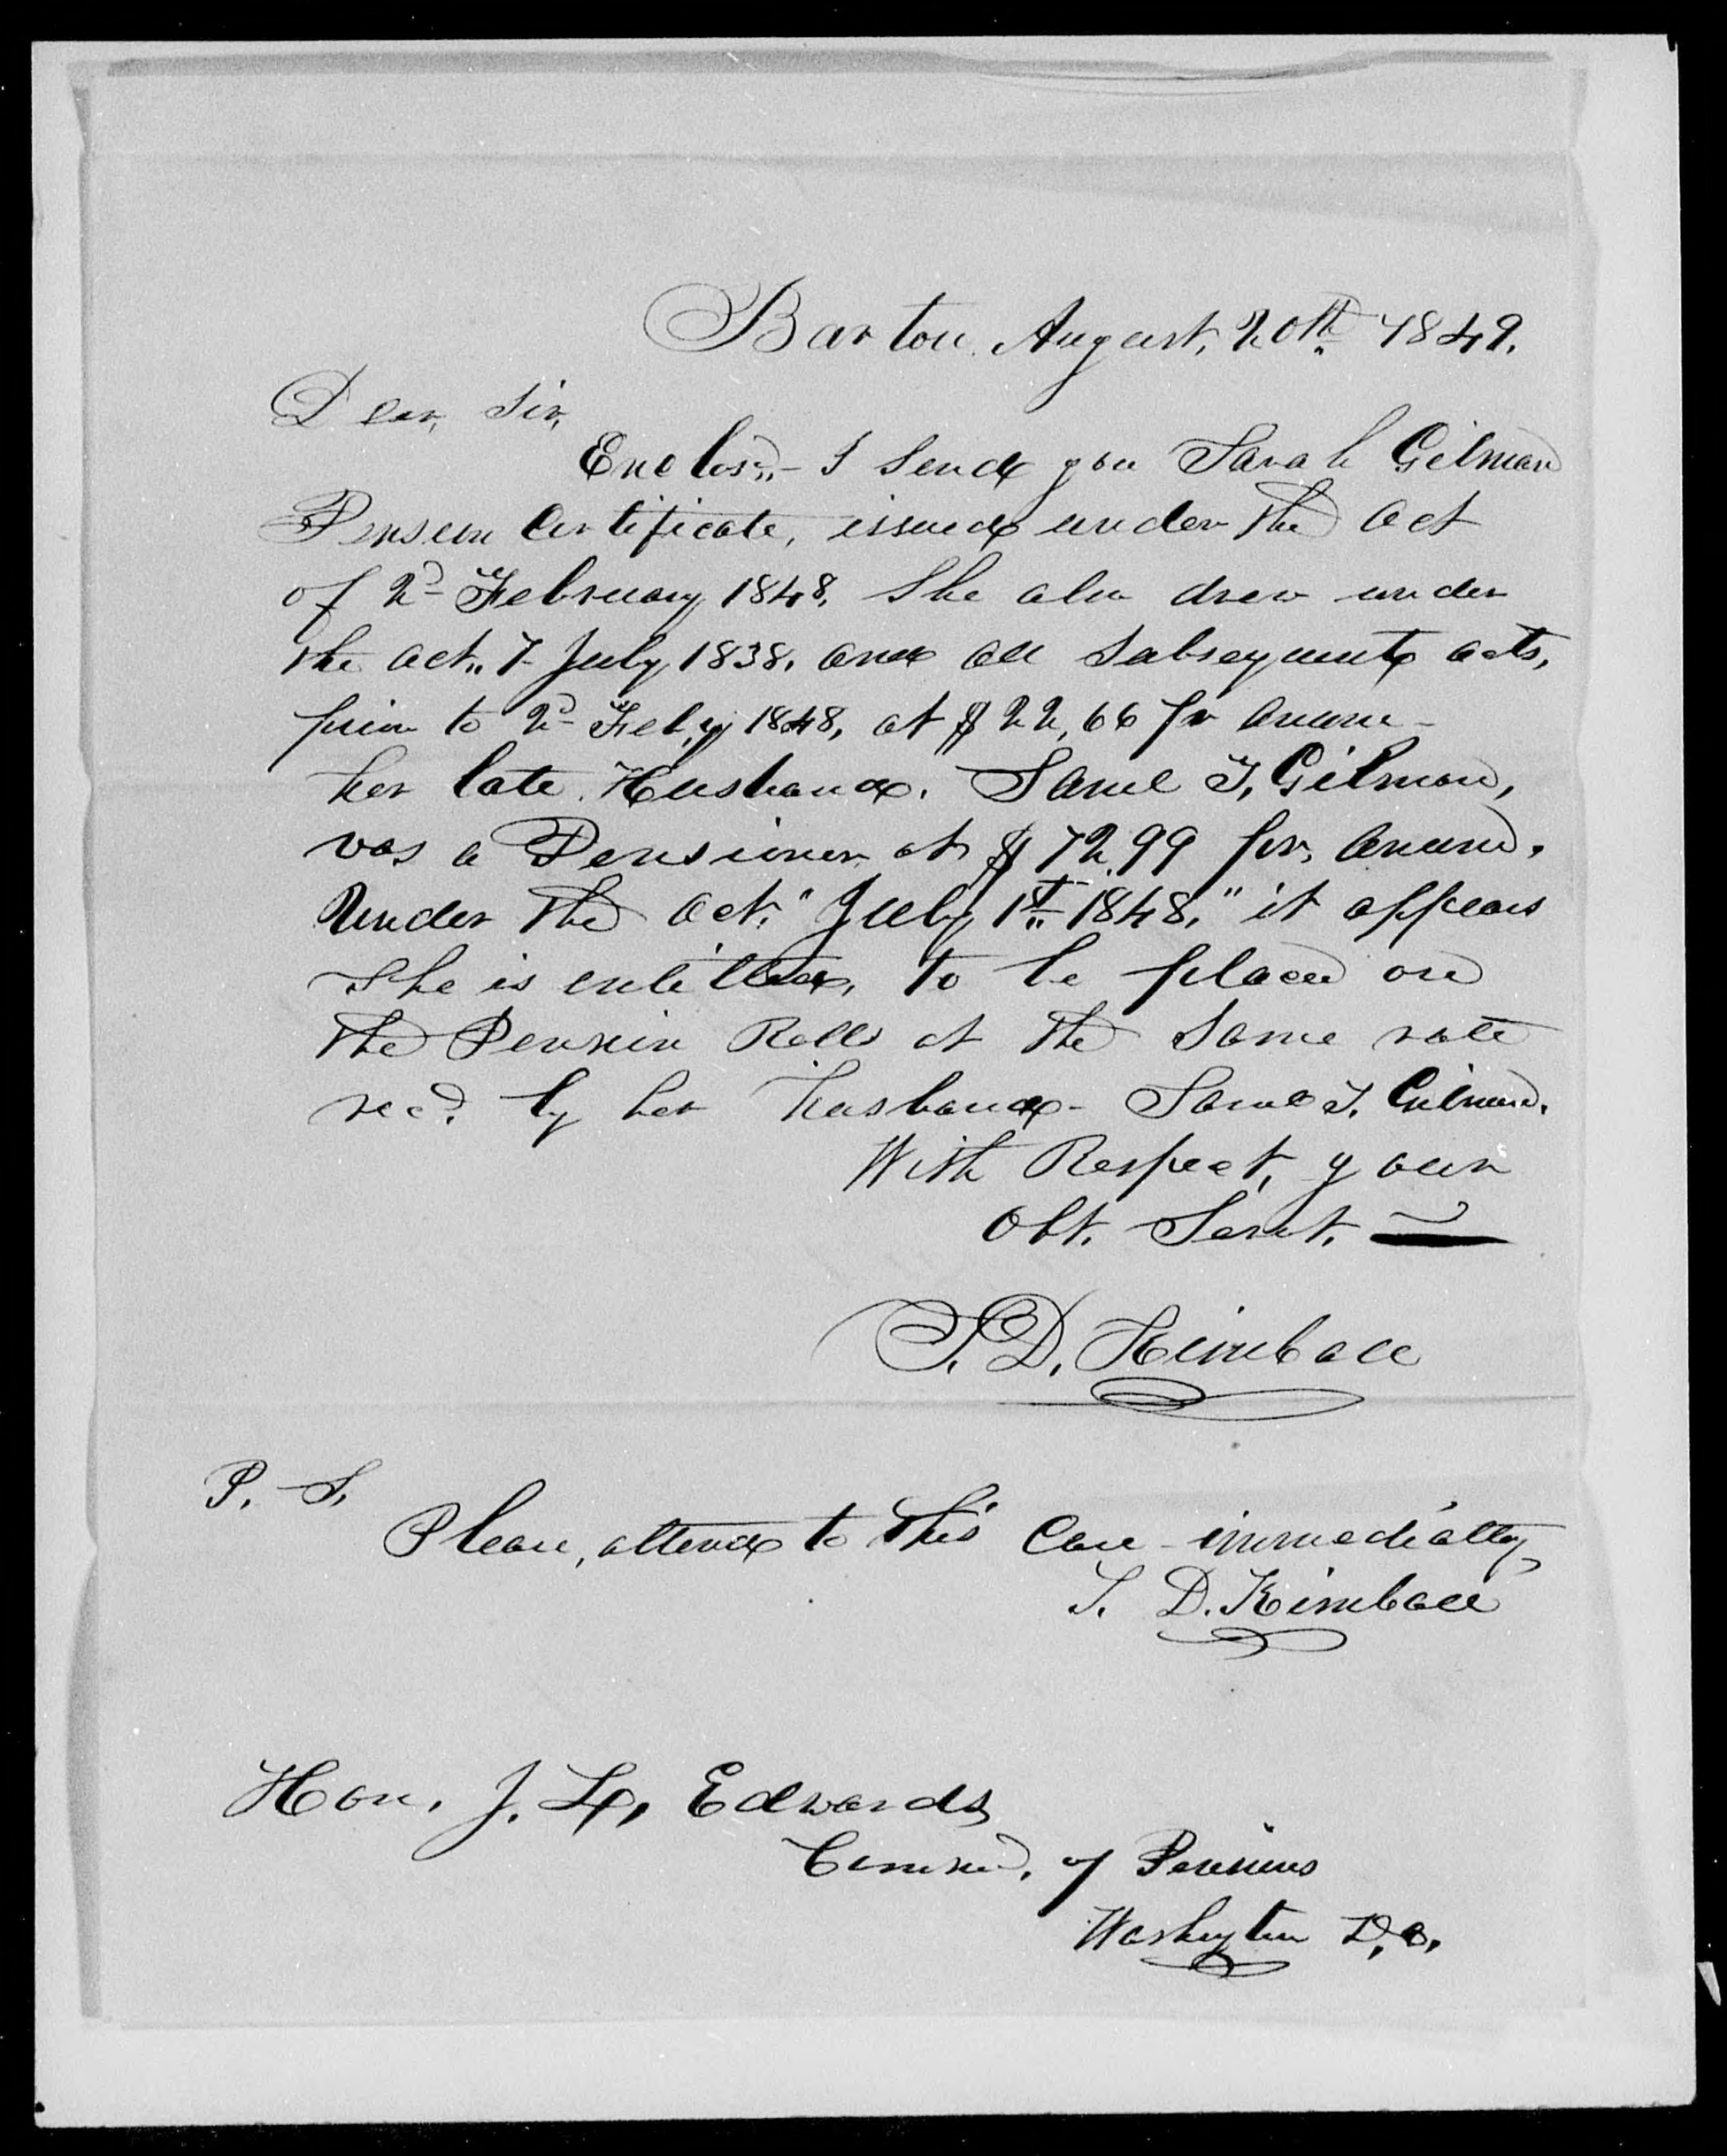Barton August 20th 1849.
Dear Sir,
Enclosed I send you Sarah Gilman Pension Certificate issued under the Act of 2d February 1848. She also drew under the act 7 July 1838, and all Subsequent acts, [illeg] to 2d Feby 1848, at $22.66 per annum -
her late Husband, Sam'l T. Gilman, was a Pensioner at $72.99 per annum. Under the act, J"uly 1st 1848" it appears she is entitled to be placed on the Pension Rolls at the Same rate recd by her husband Saml T. Gilman
With Respect, your
obt. Servt.
S. D. Kimball
P.S.
Please attend to this Case immediately
S. D. Kimball

Hon. J. L. Edwards
Comm. of Pensions
Washington D.C.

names: Saml T Gilman, Sarah Gilman, S D Kimball, J L Edwards, S D Kimball, Saml T Gilman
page: 42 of 61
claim: widow's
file: W. 19500, Samuel Thing Gilman, Continental N.H.